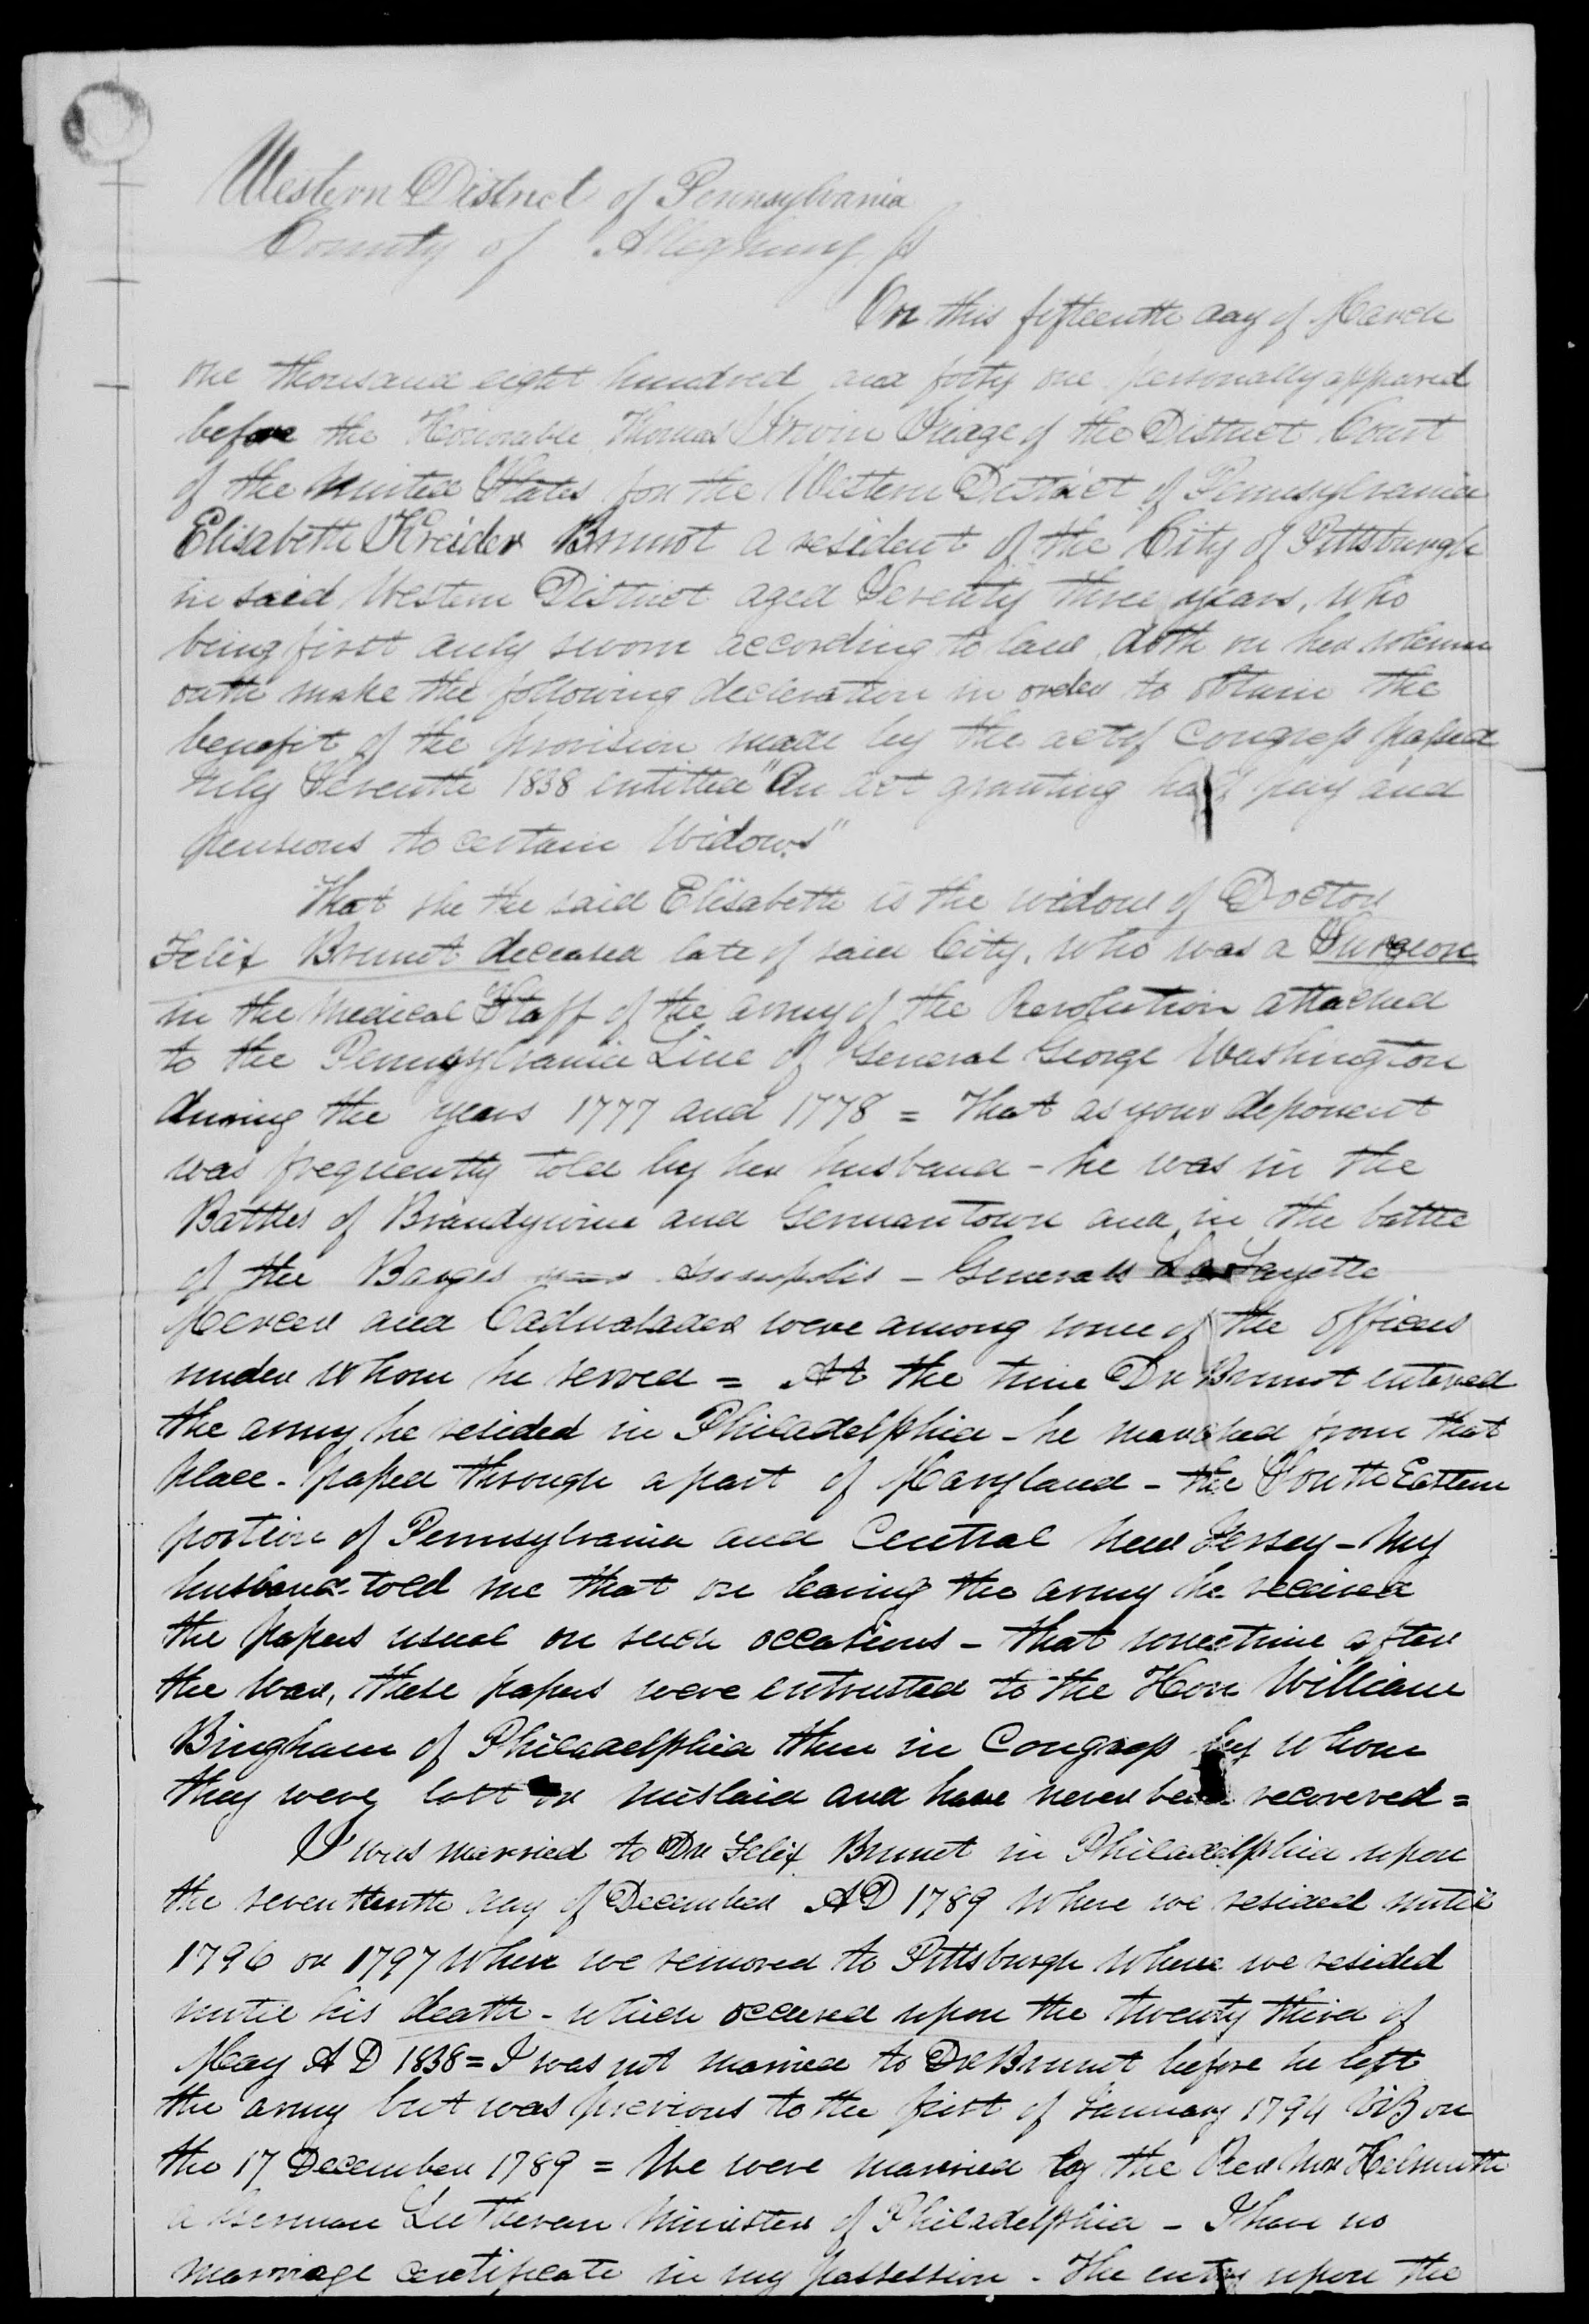Western District of Pennsylvania
County of Allegheny

On this fifteenth day of March
one thousand eight hundred and forty one personally appeared
before the Honorable Thomas [illeg] [illeg] of the District Court
of the United States for the Western District of Pennsylvania
in said Western District aged seventy three years, who
being first duly sworn according to law, doth on her solemn
oath make the following declaration in order to obtain the 
benefit of the provision made by the act of Congress passed
July seventh 1838 entitled "An Act granting half pay and
pensions to certain Widows."

That she the said Elisabeth is the widow of Doctor
Felix Brunot deceased late of said City, who was a Surgeon
in the Medical Staff of the Army of the Revoluation attached
to the Pennsylvania Line of General George Washington
during the years 1777 and 1778 = that as your deponent
was frequently told by her husband - he was in the
Battle of Brandywine and Germantown and in the Battle
of the Ba------  [illeg] [illeg] --  General Lafayette
[illeg]  Cadwalader were among some of the officers
under whom the resided in Philadelphia - he marched from that
place. [illeg] through a part of Maryland - the South Eastern
portion of Pennsylvania and central New Jersey - My
husband told me that on leaving the army he received
the [illeg] usual on such occasions - that sometimes after
the war, these papers were entrusted to the Hon William
Bingham of Philadelphia that in Congress [illeg] whose
they were lost, mislaid and have never been recovered = 

I was married to Dr. Felix Brunot in Philadelphia upon
the seventeenth day of December AD 1789 where we resided until
1796 or 1797 when we removed to Pittsburgh where we resided
until his death which occurred on the twenty third of 
May A D 1838 = I was not married to Dr. Brunot before he left
the army but was previous to the first of January 1794 [illeg]
tho 17 December 1789 = she was married to the [illeg] 
[illeg] Minister of Phildelphia - there was
marriage certificate [illeg] - The [illeg] upon the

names: Elisabeth, Brunot, Elisabeth Kreider Brunot, William Bingham, Felix Brunot, George Washington, Thomas Irwin, Brunot, La Fayette, Felix Brunot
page: 3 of 34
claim: rejected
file: R. 1371, Felix Brunot, Penn.